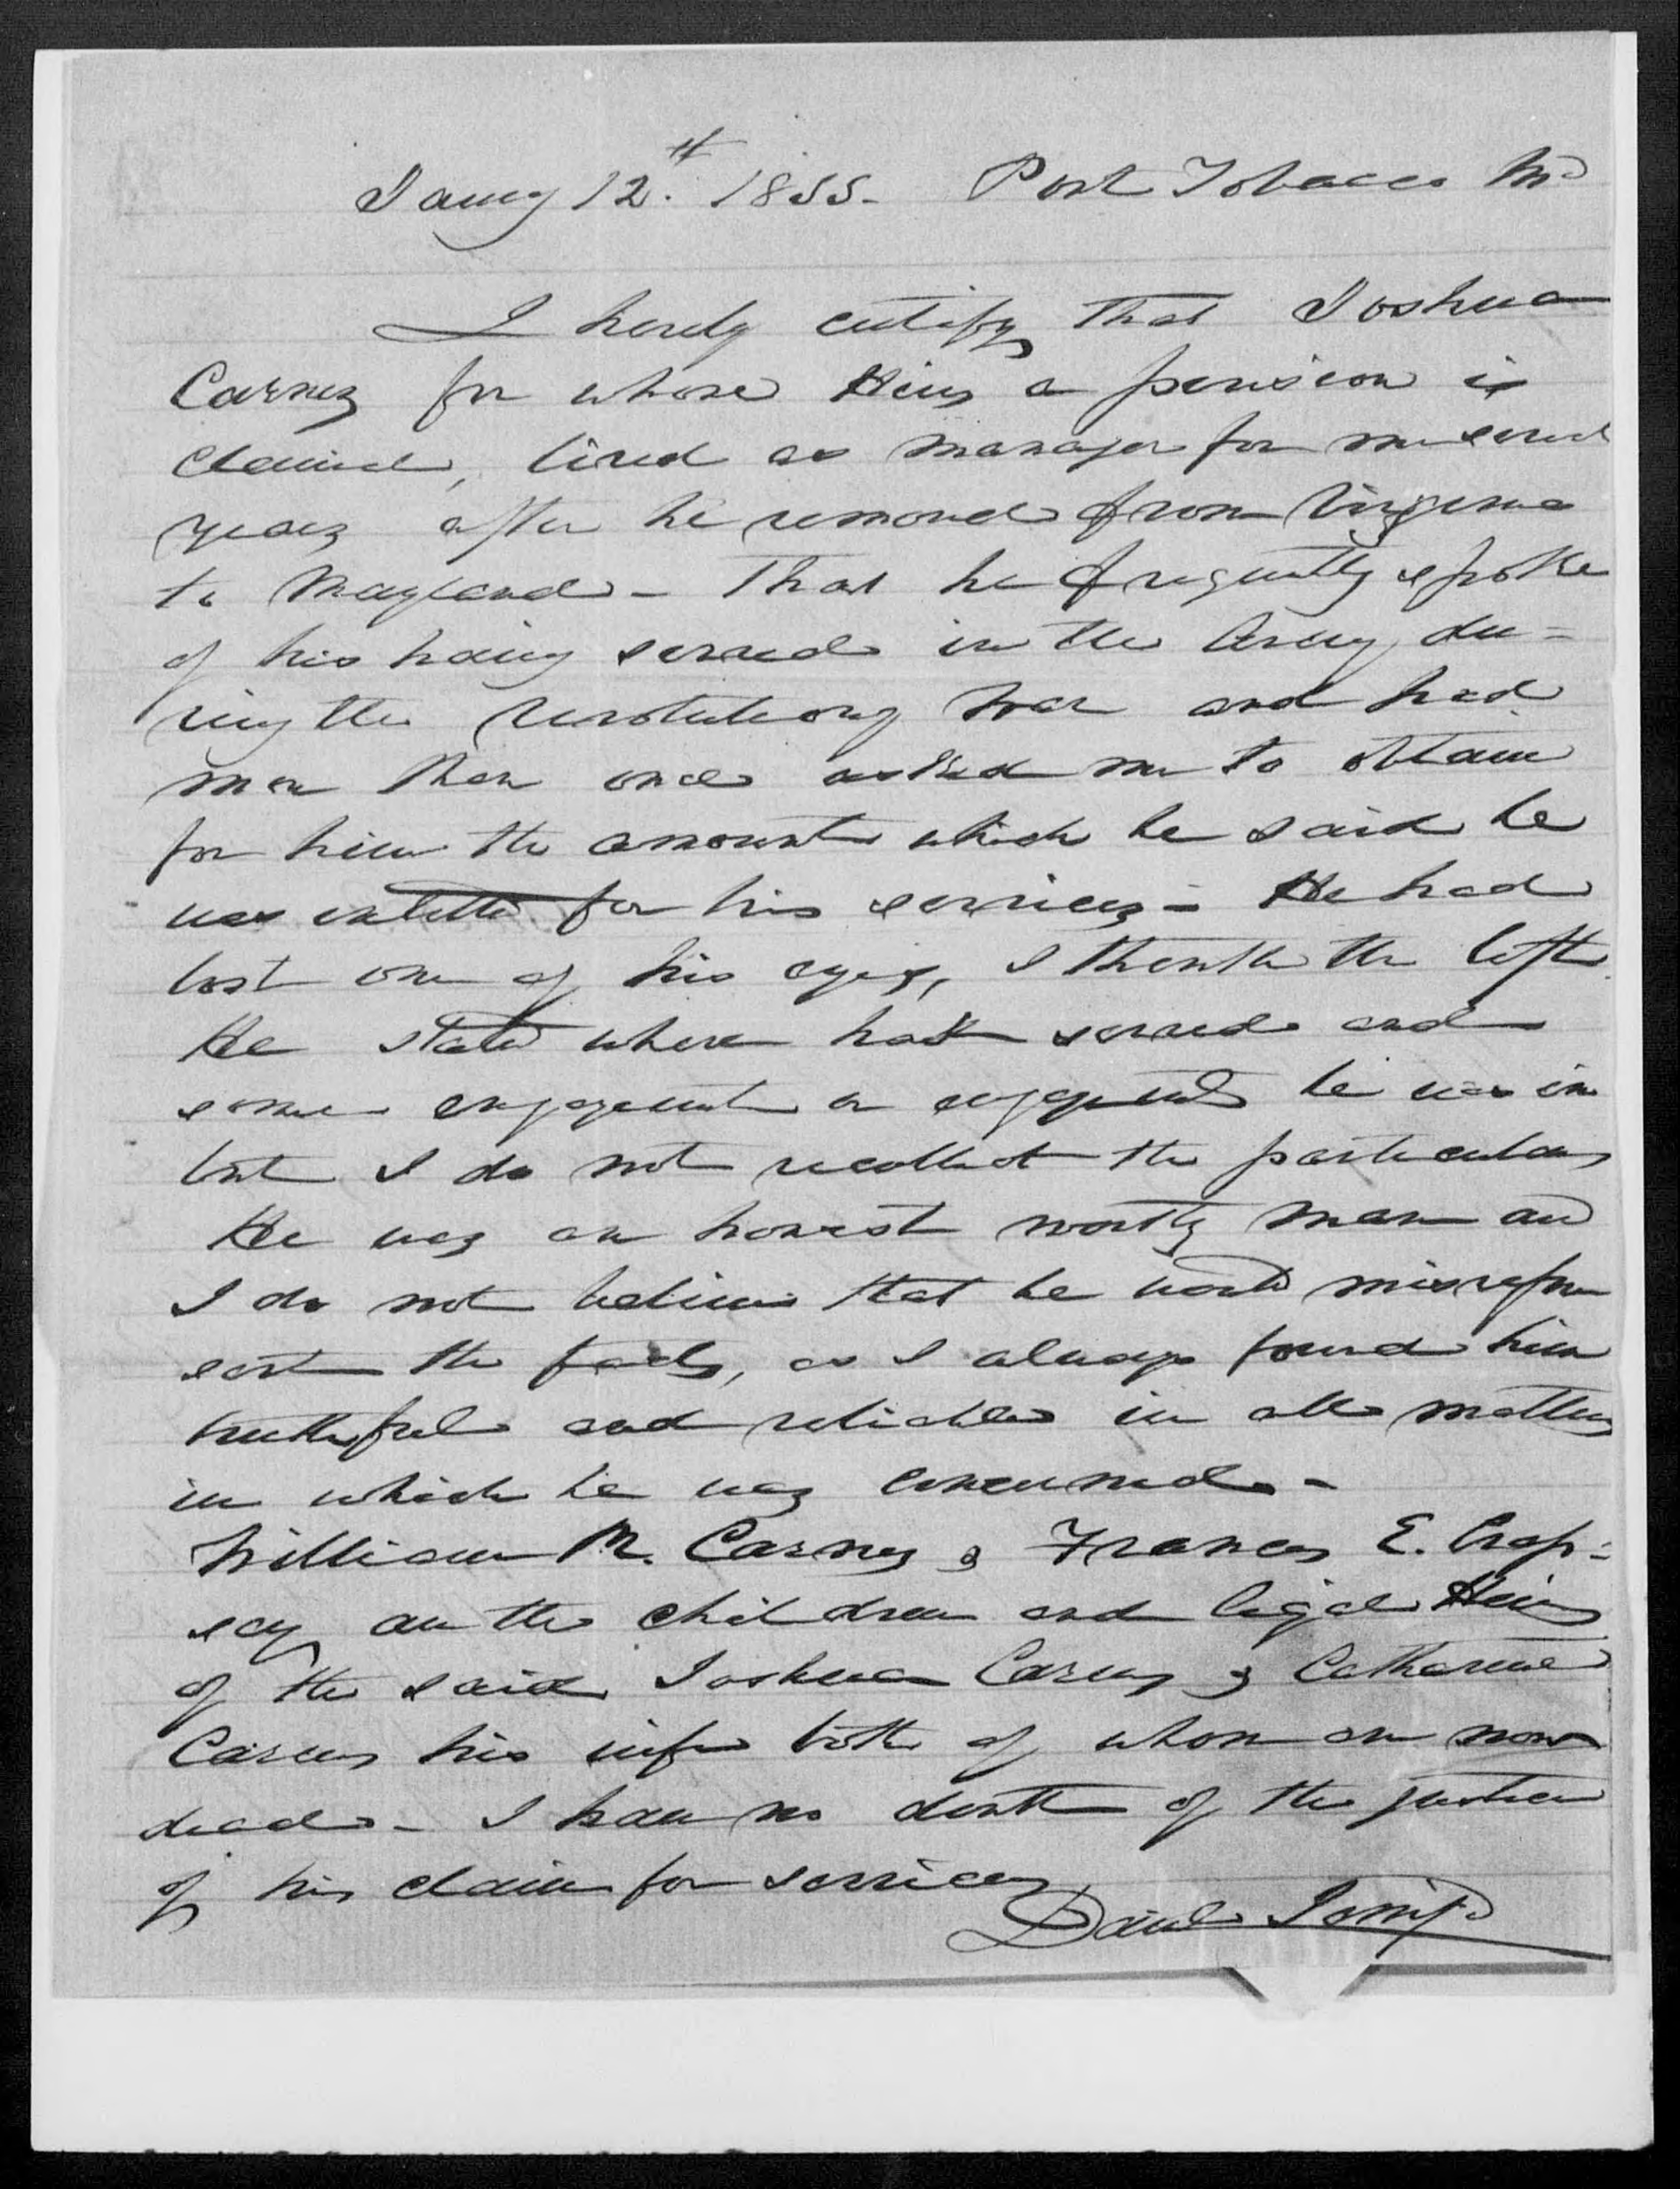January 12th 1855.  Port Tobacco, Maryland
I hereby certify that Joshua Carnes for whose heirs a pension is claimed after he removed from Virginia to Maryland.  That he frequently spoke of his having served in the Army during the Revolutionary War and had men then once asked me to obtain for him the amount which he said he was entitled for his service.  He had lost one of his eyes, I think the left.  He stated when he served and some engagement or [illegible] he was in last.  I do not recollect the particulars.  He was an honest worthy man and I do not believe that would misrepresent the facts, as I always found him truthful and reliable in all matter in which he was concerned.  
William M. Carnes and Frances E. Crampsey are the children and legal heirs of the said Joshua Carney and Catherine Carney his wife both of whom are now dead.  I have no doubt of the justice of his claim for service.
Daniel Jenifer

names: Frances E Crossey, Joshua Carnes, Joshua Carnes, Catharine Carnes, Danl Jenifer, William R Carnes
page: 20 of 22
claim: rejected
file: R 1709, Joshua Carnes, Va.